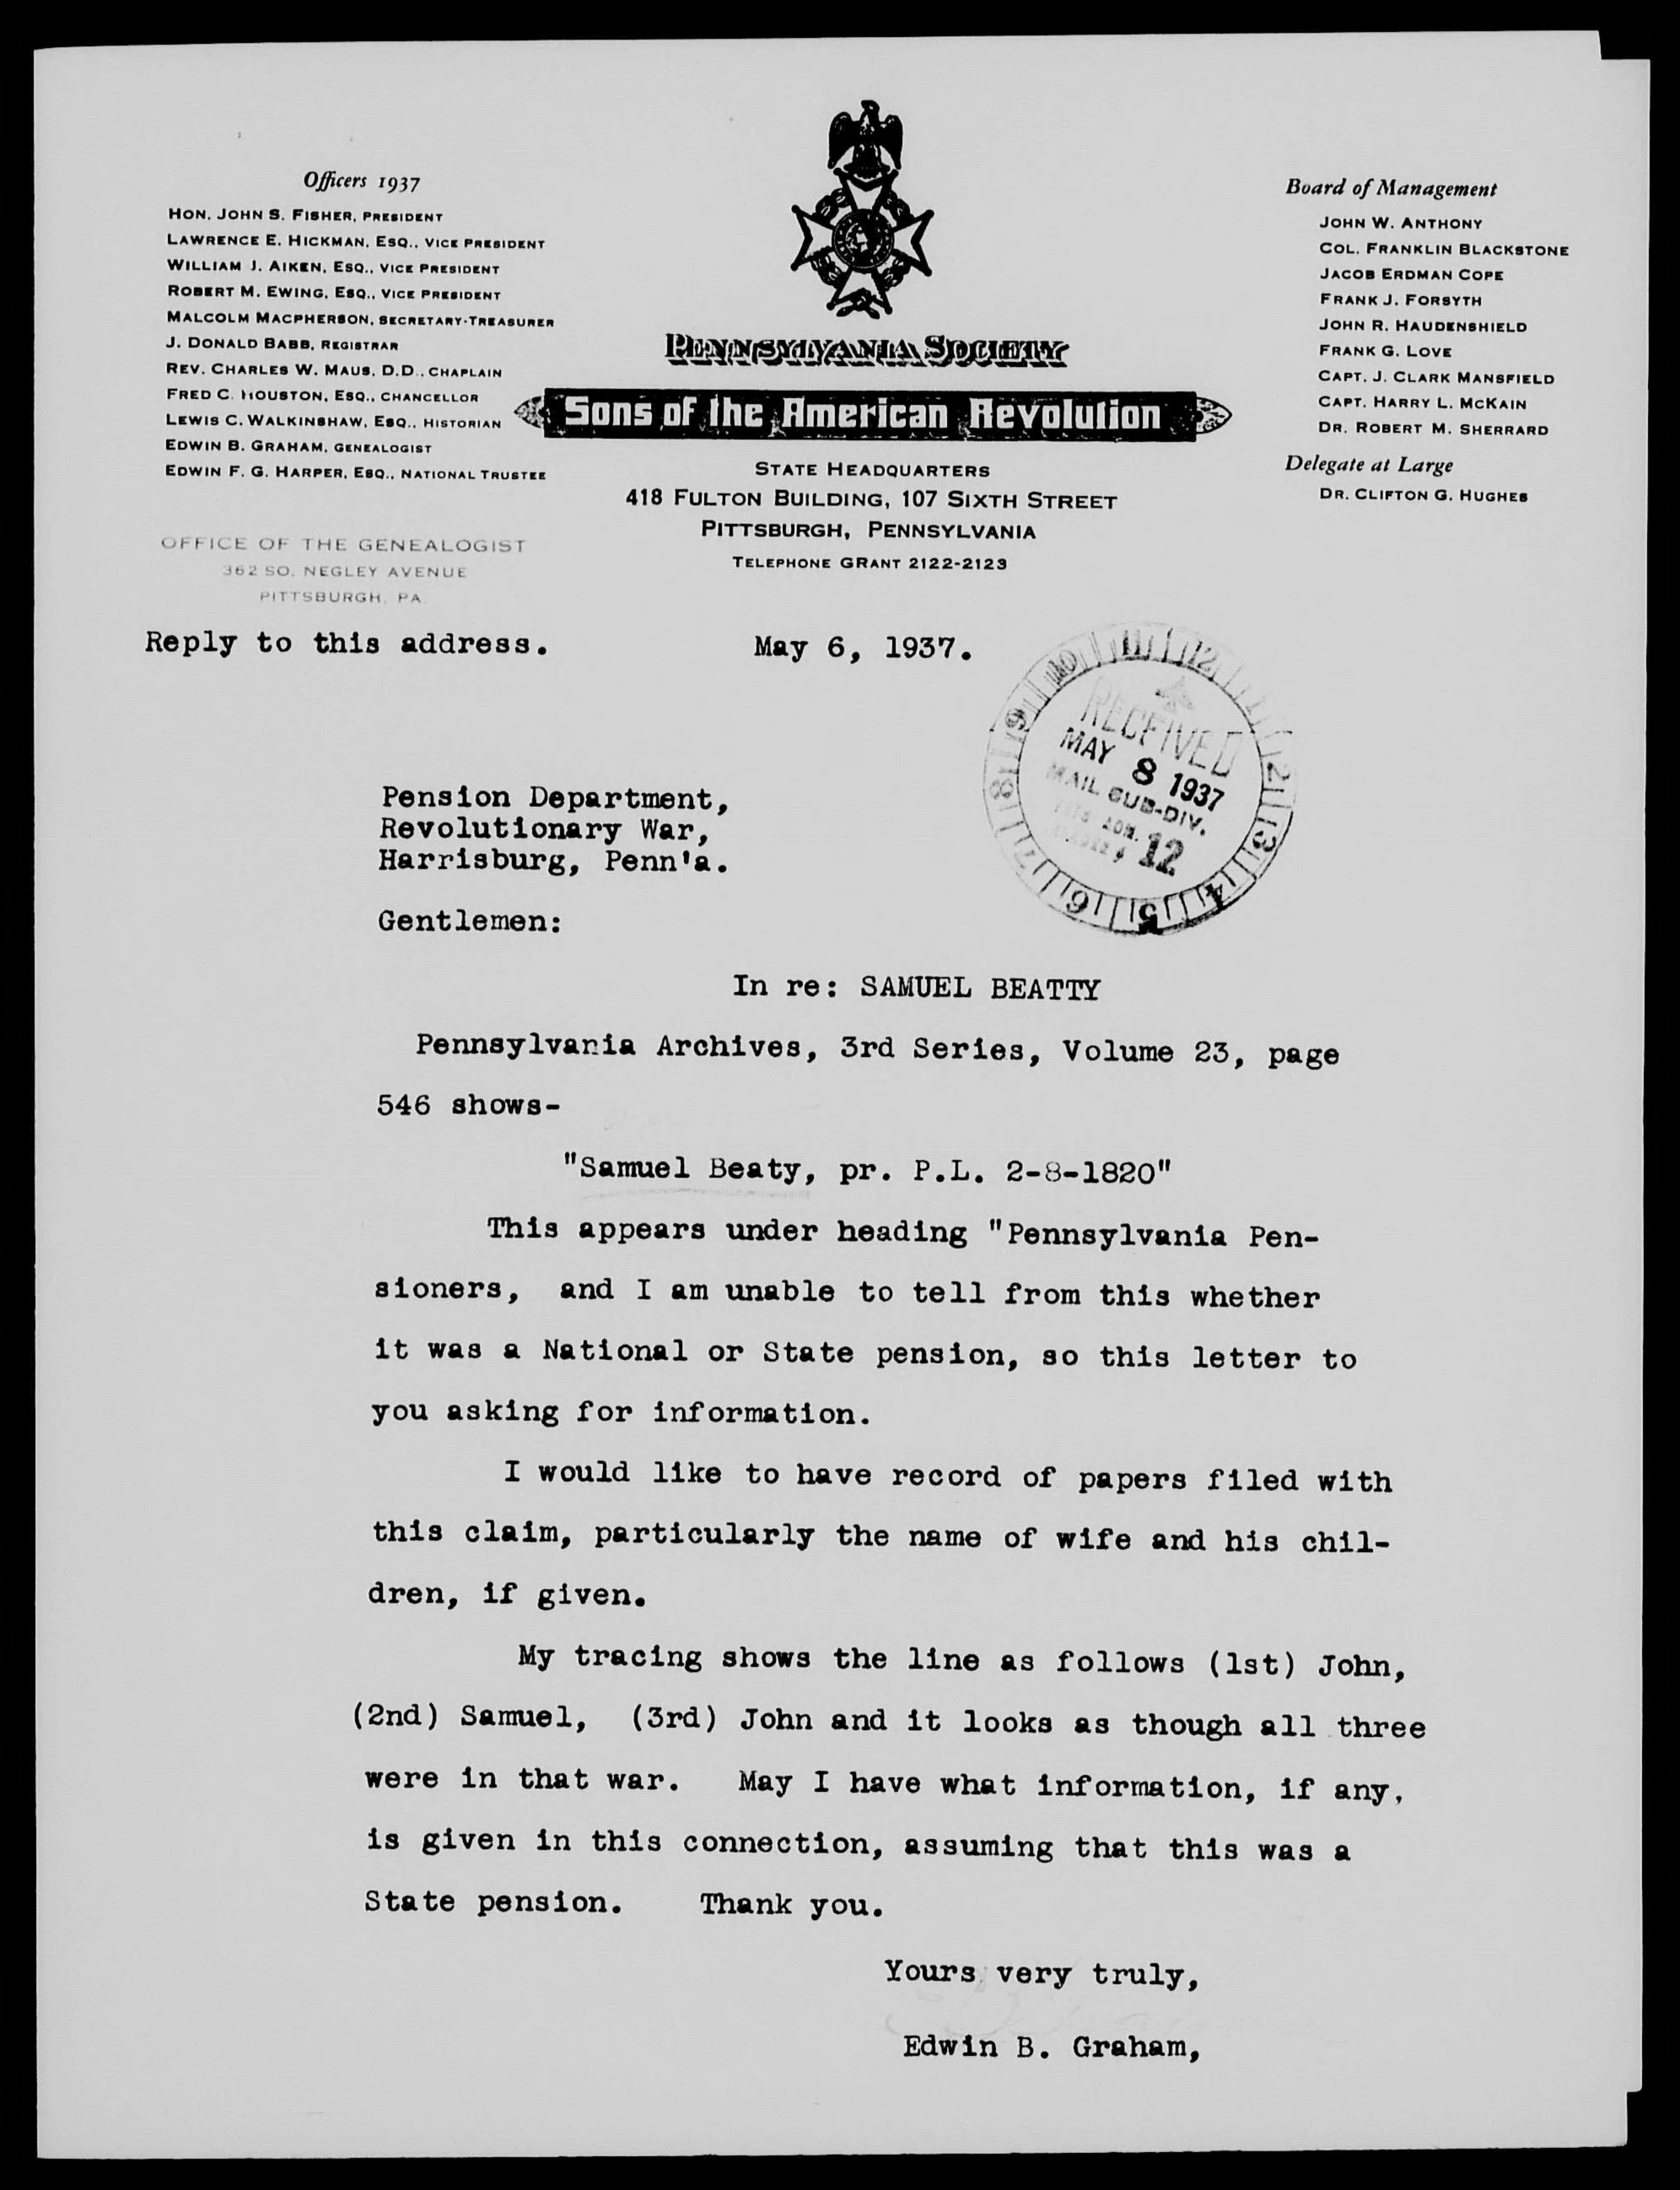PENNSYLVANIA SOCIETY
SONS OF THE AMERICAN REVOLUTION
State Headquarters
418 Fulton Building, 107 Sixth Street
Pittsburgh, Pennsylvania
Telephone Grant 2122-2123
May 6, 1937.

Officers 1937
Hon. John S. Fisher. President
Lawrence E. Hickman, Esq., Vice President
William J. Aiken, Esq., Vice President
Robert M. Ewing,  Esq., Vice President
Malcolm Macpherson, Secretary-Treasurer
J. Donald Babb, Registrar
Rev. Charles W. Maus, D.D., Chaplin
Fred C. Houston, Esq., Chancellor
Lewis C. Walkinshaw, Esq., Historian
Edwin B. Graham, Genealogist
Edwin F. G. Harper, Esq., National Trustee

Board of Management
John W. Anthony
Col. Franklin Blackstone
Jacob Erdman Cope
Frank J. Forsyth
John R. Haudenshield
Frank G. Love
Capt. J. Clark Mansfield
Capt. Harry L. McKain
Dr. Robert M. Sherrard

Delegate at Large
Dr. Clifton G. Hughes

OFFICE OF THE GENEAOLOGIST
362 SO. NEGLEY AVENUE
PITTSBURGH, PA

Reply to this address. May 6, 1937.

[stamped
RECEIVED
MAY 8 1937
MAIL SUB-DIV
VETS ADM. 
Reader # 12]

Pension Department,
Revolutionary War,
Harrisburg, Penn'a.

Gentlemen:

In re: SAMUEL BEATTY
Pennsylvania Archives, 3rd Series, Volume 23, page 546 shows-
"Samuel Beaty, pr. P.L. 2-8-1820"
This appears  under heading "Pennsylvania Pensioners, and I am unable to tell from this whether it was a National or State pension, so this letter to you asking for information.
I would like to have record of papers filled with this claim, particularly the name of wife and his children, if given.
My tracing shows the line as follows (1st) John, (2nd) Samuel, (3rd) John and it look as though all three were in that war. May I have what information, if any, is given in this connection, assuming that this was a State pension. Thank you.

Yours very truly,

Edwin B. Graham,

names: John S Fisher, John W Anthony, Malcolm Macpherson, Harry L Mc Kain, Frank J Forsyth, Edwin B Graham, Fred C Houston, Clifton G Hughes, John R Haudenshield, Franklin Blackstone, Robert M Sherrard, Lawrence E Hickman, Lewis C Walkinshaw, Jacob Erdman Cope, Charles W Maus, Edwin B Graham, Robert M Ewing, Samuel Beaty, Samuel, J Clark Mansfield, Samuel Beatty, William J Aiken, J Donald Babb, Edwin F G Harper, Frank G Love, John, John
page: 29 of 31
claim: survivor's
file: S. 34646, Samuel Beaty, Penn.